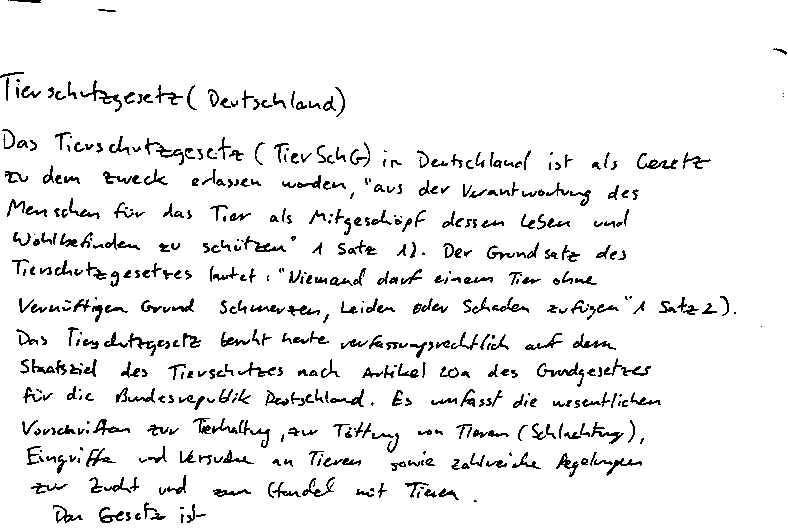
Tierschutzgesetz (Deutschland)
Das Tierschutzgesetz (TierSchG) in Deutschland ist als Gesetz
zu dem Zweck erlassen worden, "aus der Verantwortung des
Menschen für das Tier als Mitgeschöpf dessen Leben und
Wohlbefinden zu schützen" 1 Satz 1). Der Grundsatz des
Tierschutzgesetzes lautet: "Niemand darf einem Tier ohne
vernünftigen Grund Schmerzen, Leiden oder Schaden zufügen" 1 Satz 2).
Das Tierschutzgesetz beruht heute verfassungsrechtlich auf dem
Staatsziel des Tierschutzes nach Artikel 20a des Grundgesetzes
für die Bundesrepublik Deutschland. Es umfasst die wesentlichen
Vorschriften zur Tierhaltung, zur Tötung von Tieren (Schlachtung),
Eingriffe und Versuche an Tieren sowie zahlreiche Regelungen
zur Zucht und zum Handel mit Tieren.
Das Gesetz ist
